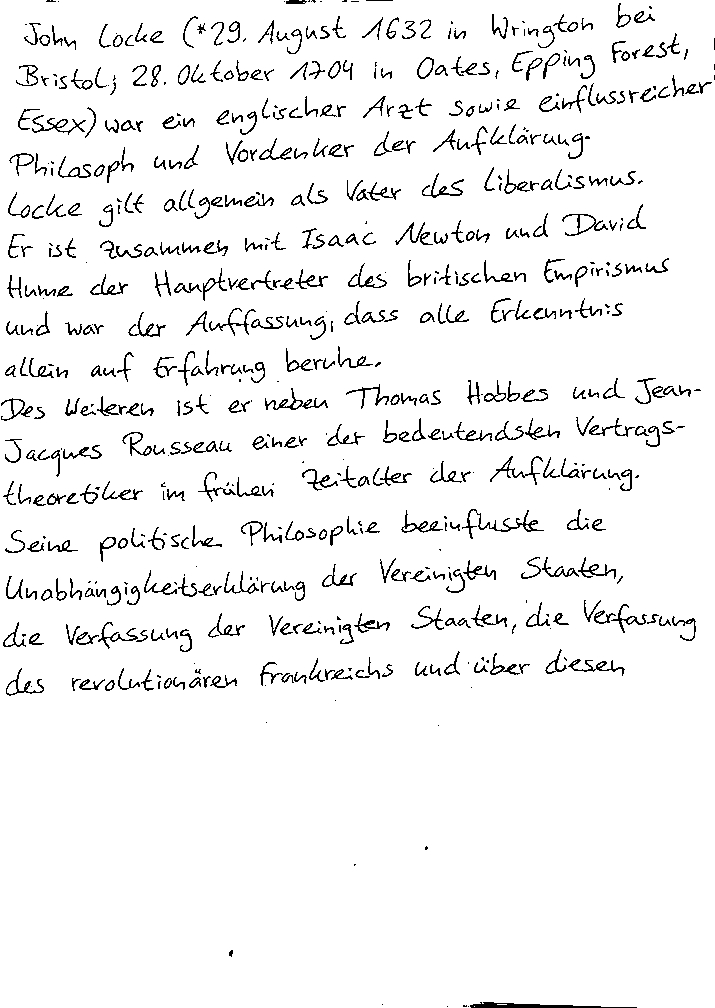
John Locke (* 29. August 1632 in Wrington bei
Bristol; 28. Oktober 1704 in Oates, Epping Forest,
Essex) war ein englischer Arzt sowie einflussreicher
Philosoph und Vordenker der Aufklärung.
Locke gilt allgemein als Vater des Liberalismus.
Er ist zusammen mit Isaac Newton und David
Hume der Hauptvertreter des britischen Empirismus
und war der Auffassung, dass alle Erkenntnis
allein auf Erfahrung beruhe.
Des Weiteren ist er neben Thomas Hobbes und Jean-
Jacques Rousseau einer der bedeutendsten Vertrags-
theoretiker im frühen Zeitalter der Aufklärung.
Seine politische Philosophie beeinflusste die
Unabhängigkeitserklärung der Vereinigten Staaten,
die Verfassung der Vereinigten Staaten, die Verfassung
des revolutionären Frankreichs und über diesen
